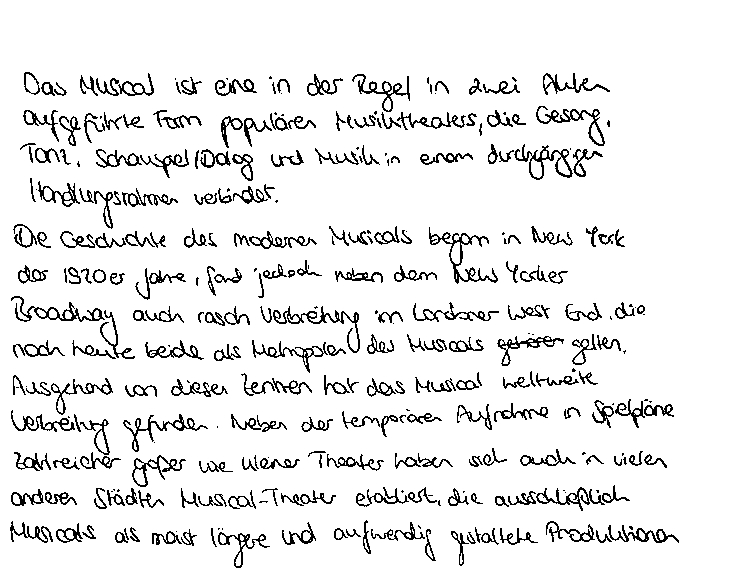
Das Musical ist eine in der Regel in zwei Akten
aufgeführte Form populären Musiktheaters, die Gesang,
Tanz, Schauspiel/Dialog und Musik in einem durchgängigen
Handlungsrahmen verbindet.
Die Geschichte des modernen Musicals begann im New York
der 1920er Jahre, fand jedoch neben dem New Yorker
Broadway auch rasch Verbreitung im Londoner West End, die
noch heute beide als Metropolen des Musicals gelten.
Ausgehend von diesen Zentren hat das Musical weltweite
Verbreitung gefunden. Neben der temporären Aufnahme in Spielpläne
zahlreicher großer wie kleiner Theater haben sich auch in vielen
anderen Städten Musical-Theater etabliert, die ausschließlich
Musicals als meist längere und aufwendig gestaltete Produktionen
